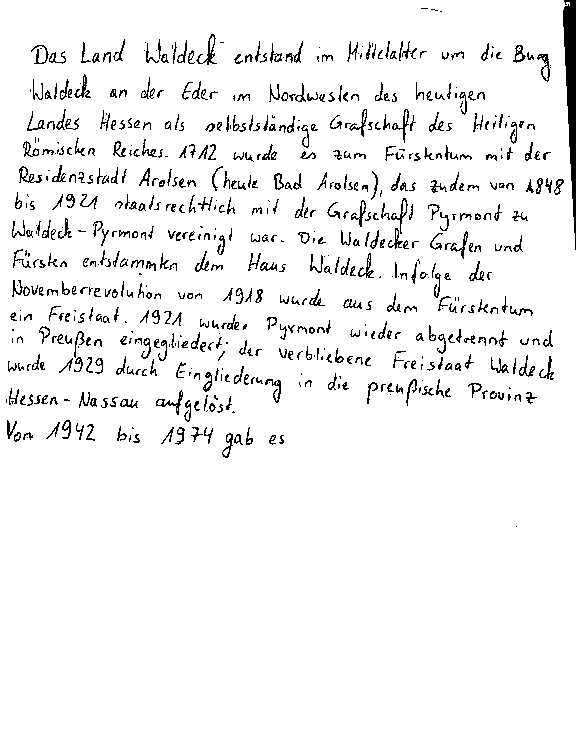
Das Land Waldeck entstand im Mittelalter um die Burg
Waldeck an der Eder im Nordwesten des heutigen
Landes Hessen als selbständige Grafschaft des Heiligen
Römischen Reiches. 1712 wurde es zum Fürstentum mit der
Residenzstadt Arolsen (heute Bad Arolsen), das zudem von 1848
bis 1921 staatsrechtlich mit der Grafschaft Pyrmont zu
Waldeck-Pyrmont vereinigt war. Die Waldecker Grafen und
Fürsten entstammten dem Haus Waldeck. Infolge der
Novemberrevolution von 1918 wurde aus dem Fürstentum
ein Freistaat. 1921 wurde Pyrmont wieder abgetrennt und
in Preußen eingegliedert; der verbliebene Freistaat Waldeck
wurde 1929 durch Eingliederung die preußische Provinz
Hessen-Nassau aufgelöst.
Von 1942 bis 1974 gab es
